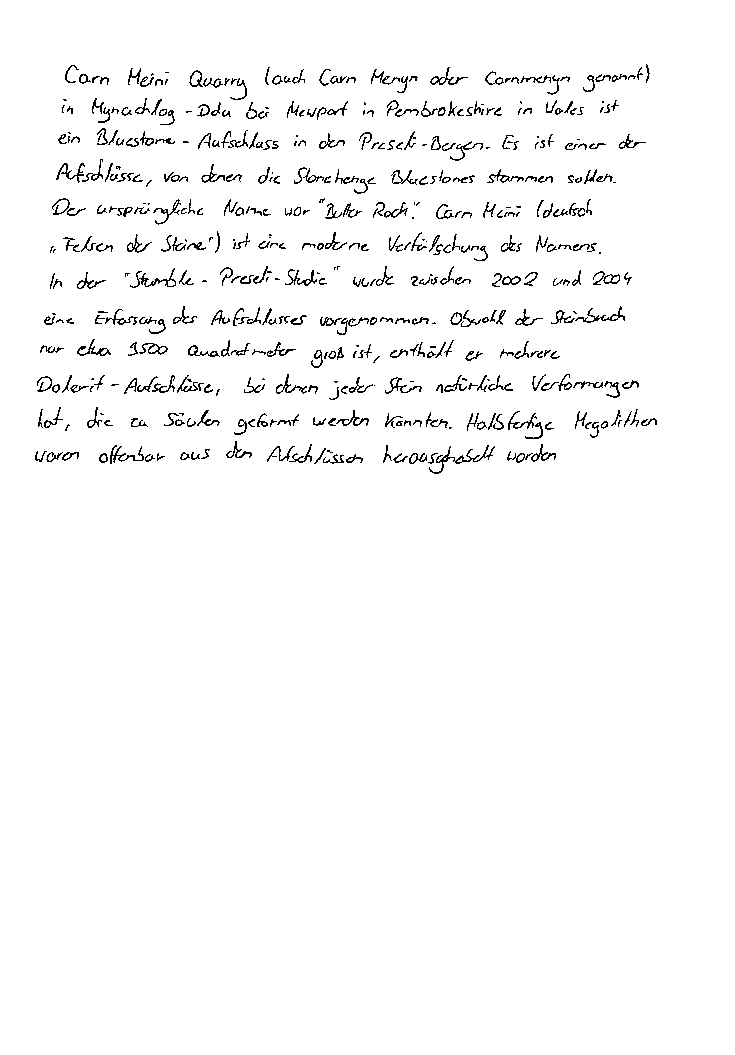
Carn Meini Quarry (auch Carn Menyn oder Carnmenyn genannt)
in Mynachlog-Ddu bei Newport in Pembrokeshire in Wales ist
ein Bluestone-Aufschluss in den Preseli-Bergen. Es ist einer der
Aufschlüsse, von denen die Stonehenge Bluestones stammen sollen
Der ursprüngliche Name war "Butter Rock". Carn Meini (deutsch
" Felsen der Steine") ist eine moderne Verfälschung des Namens.
In der "Strumble-Preseli-Studie" wurde zwischen 2002 und 2004
eine Erfassung des Aufschlusses vorgenommen. Obwohl der Steinbruch
nur etwa 3500 Quadratmeter groß ist, enthält er mehrere
Dolerit-Aufschlüsse, bei denen jeder Stein natürliche Vorformungen
hat, die zu Säulen geformt werden könnten. Halbfertige Megalithen
waren offenbar aus den Aufschlüssen herausgehebelt worden
